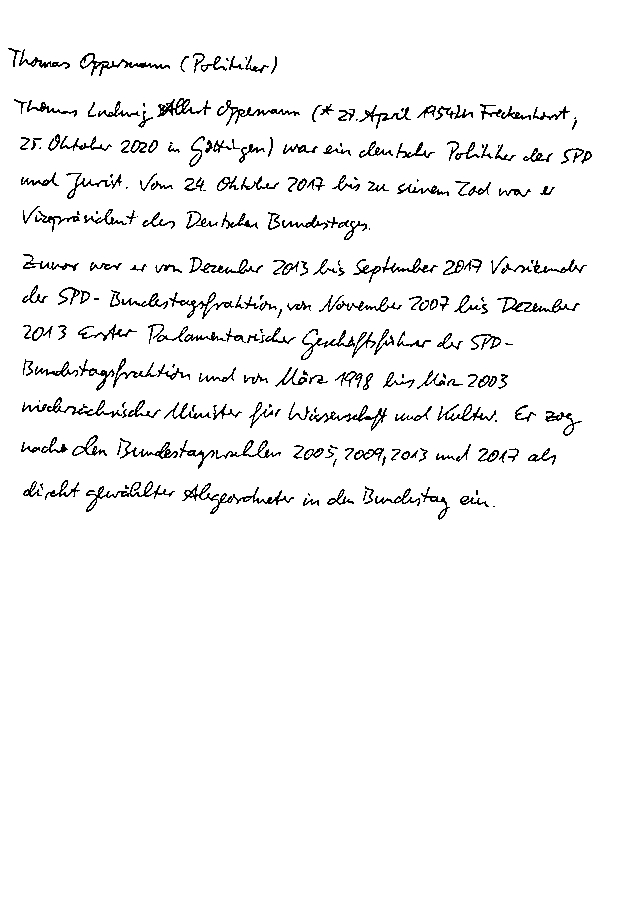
Thomas Oppermann (Politiker)
Thomas Ludwig Albert Oppermann (* 27. April 1954 in Freckenhorst;
25. Oktober 2020 in Göttingen) war ein deutscher Politiker der SPD
und Jurist. Vom 24 Oktober 2017 bis zu seinem Tod war er
Vizepräsident des Deutschen Bundestages
Zuvor war er von Dezember 2013 bis September 2017 Vorsitzender
der SPD-Bundestagsfraktion, von November 2007 bis Dezember
2013 Erster Parlamentarischer Geschäftsführer der SPD-
Bundestagsfraktion und von März 1998 bis März 2003
niedersächsischer Minister für Wissenschaft und Kultur. Er zog
nach den Bundestagswahlen 2005, 2009, 2013 und 2017 als
direkt gewählter Abgeordneter in den Bundestag ein
